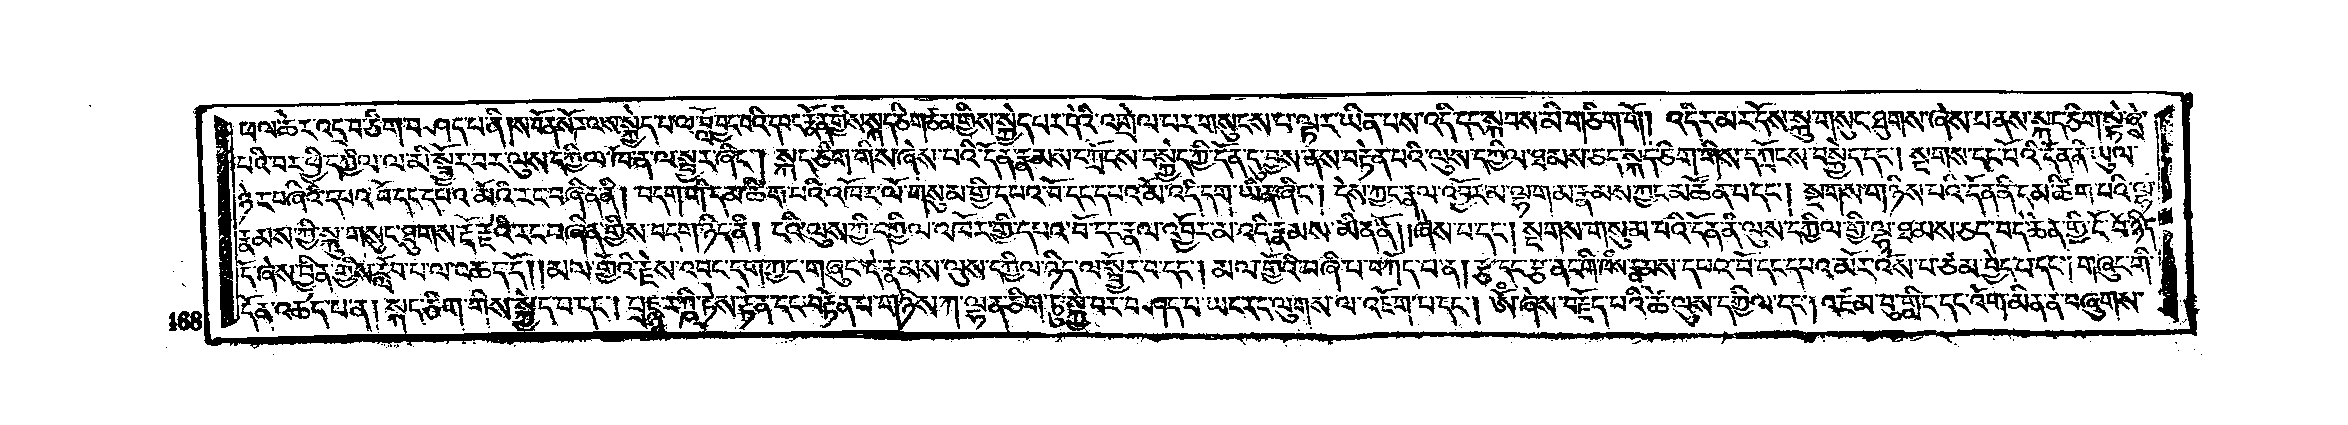ཕལ་ཆེར་འདྲ་བ་ཅིག་བཤད་པ་ནི། ས་བོན་སོགས་ལས་སྐྱེད་པ་ལ་བློ་བྱང་བའི་དབང་རྣོན་གྱིས་སྐད་ཅིག་ཙམ་གྱིས་སྐྱེད་པར་དེའི་འགྲེལ་པར་གསུངས་པ་ལྟར་ཡིན་པས་འདི་དང་སྐབས་མི་གཅིག་གོ །འདིར་མར་དོས་སྐུ་གསུང་ཐུགས་ཞེས་པ་ནས་སྐད་ཅིག་སྟེ་ཞེས་
པའི་བར་ཕྱི་དཀྱིལ་ལ་མི་སྦྱོར་བར་ལུས་དཀྱིལ་ཁོ་ན་ལ་སྦྱར་ཞིང་། སྐད་ཅིག་གིས་ཞེས་པའི་དོན་རྣམས་དཀྲོངས་བསྐྱེད་ཀྱི་དོན་དུ་བྱས་ནས་བརྟེན་པའི་ལུས་དཀྱིལ་ཐམས་ཅད་སྐད་ཅིག་གིས་དཀྲོངས་བསྐྱེད་དང་། སྔགས་དང་པོའི་དོན་ནི་ཡུལ་
ཉེར་བཞིའི་དཔའ་བོ་དང་དཔའ་མོའི་རང་བཞིན་ནི། བདག་གི་དམ་ཚིག་པའི་འཁོར་ལོ་གསུམ་གྱི་དཔའ་བོ་དང་དཔའ་མོ་འདི་དག་ཡིན་ཞིང་། དེས་ཀྱང་རྣལ་འབྱོར་མ་ལྷག་མ་རྣམས་ཀྱང་མཚོན་པ་དང་། སྔགས་གཉིས་པའི་དོན་ནི་དམ་ཚིག་པའི་ལྷ་
རྣམས་ཀྱི་སྐུ་གསུང་ཐུགས་རྡོ་རྗེའི་རང་བཞིན་གྱིས་བདག་ཉིད་ནི། ངའི་ལུས་ཀྱི་དཀྱིལ་འཁོར་གྱི་དཔའ་བོ་དང་རྣལ་འབྱོར་མ་འདི་རྣམས་ཡིན་ནོ། །ཞེས་པ་དང་། སྔགས་གསུམ་པའི་དོན་ནི་ལུས་དཀྱིལ་གྱི་ལྷ་ཐམས་ཅད་བདེ་ཆེན་གྱི་ངོ་བོ་ཉིད་
དོ་ཞེས་བྱིན་གྱིས་རློབ་པ་ལ་འཆད་དོ། །མལ་གྱོའི་རྗེས་འབྲང་དག་ཀྱང་གཞུང་དེ་རྣམས་ལུས་དཀྱིལ་ཉིད་ལ་སྦྱོར་བ་དང་། མལ་གྱོའི་བཞི་པ་བཀོད་པ་ན། རྩ་དང་རྩ་ནང་གི་ཁམས་རྣམས་དཔའ་བོ་དང་དཔའ་མོར་འོས་པ་ཙམ་བྱེད་པ་དང་། གཞུང་གི་
དོན་འཆད་པ་ན། སྐད་ཅིག་གིས་སྐྱེད་པ་དང་། པྲཛྙཱ་རཀྵི་ཏེས་རྟེན་དང་བརྟེན་པ་གཉིས་ཀ་ལྷན་ཅིག་ཏུ་སྐྱེ་བར་བཤད་པ་ཡང་རང་ལུགས་ལ་འཇོག་པ་དང་། ཨོཾ་ཞེས་བརྗོད་པའི་ཚེ་ལུས་དཀྱིལ་དང་། འཛམ་བུ་གླིང་དང་འོག་མིན་ན་བཞུགས་